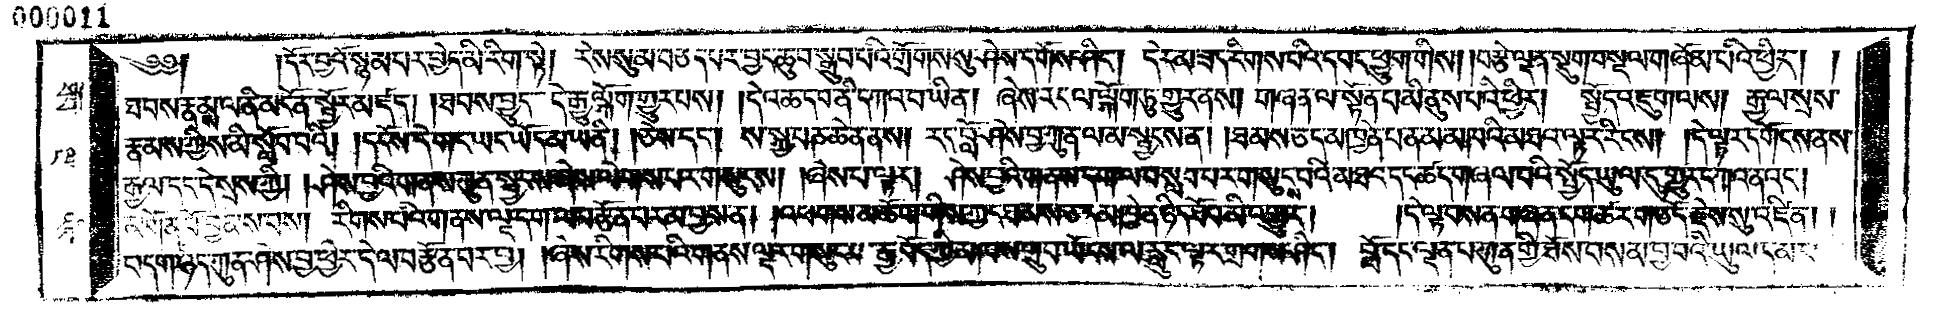༄༅། །དོར་བྱའོ་སྙམ་པར་བྱེད་མི་རིག་སྟེ། རེས་སུམ་བཅད་པར་བྱང་ཆུབ་སྒྲུབ་པའི་གྲོགས་སུ་ཤེས་དགོས་ཤིང་། དེར་མ་ཟད་རིགས་པའི་དབང་ཕྱུག་གིས། །བརྩེ་ལྡན་སྡུག་བསྔལ་གཞོམ་པའི་ཕྱིར། །
ཐབས་རྣམས་ལ་ནི་མངོན་སྦྱོར་མཛད། །ཐབས་བྱུད་དེ་རྒྱུ་ལྐོག་གྱུར་པས། །དེ་འཆད་པ་ནི་དཀའ་བ་ཡིན། ཞེས་རང་ལ་ལྐོག་ཏུ་གྱུར་ནས། གཞན་ལ་སྟོན་པ་མི་ནུས་པའི་ཕྱིར། སྤྱོད་འཇུག་ལས། རྒྱལ་སྲས་
རྣམས་ཀྱིས་མི་སློབ་པའི། །དངོས་དེ་གང་ཡང་ཡོད་མ་ཡིན། །ཅེས་དང་། ས་སྐྱ་པཎ་ཆེན་ནས། རང་བློ་ཤེས་བྱ་ཀུན་ལ་མ་སྦྱངས་ན། །ཐམས་ཅད་མཁྱེན་པ་ནམ་མཁའི་མཐའ་ལྟར་རི་ངས། །དེ་ལྟར་དགོངས་ནས་
རྒྱལ་དང་དེ་སྲས་ཀྱི། །ཤེས་བྱའི་གནས་ཀུན་སྦྱངས་ཞེས་ལེགས་པར་གསུངས། །ཞེས་པ་ལྟར། ཤེས་བྱའི་གནས་དག་ལ་བསླབ་པར་གསུངས་པའི་མཐའ་དང་ཚད་གཞལ་བའི་སྤྱོད་ཡུལ་དུ་གྱུར་དཀའ་ནའང་།
མགོན་པོ་བྱམས་པས། རིགས་པའི་གནས་ལྔ་དག་ལ་བརྩོན་པར་མ་བྱས་ན། །འཕགས་མཆོག་གིས་ཀྱང་ཐམས་ཅད་མཁྱེན་ཉིད་ཐོབ་མི་འགྱུར། །དེ་ལྟ་བས་ན་གཞན་དག་ཆར་གཅོད་རྗེས་སུ་འཛིན། །
བདག་ཉིད་ཀུན་ཤེས་བྱ་ཕྱིར་དེ་ལ་བརྩོན་པར་བྱ། །ཞེས་རིགས་པའི་གནས་ལྔར་གསུང་པ་རྒྱ་བོད་ཀྱི་མཁས་གྲུབ་ཡོངས་ལ་རླུང་ལྟར་གྲགས་ཤིང་། བློ་དང་ལྡན་པ་ཀུན་གྱི་ཐོས་བསམ་བྱ་བའི་ཡུལ་དམ་པ་